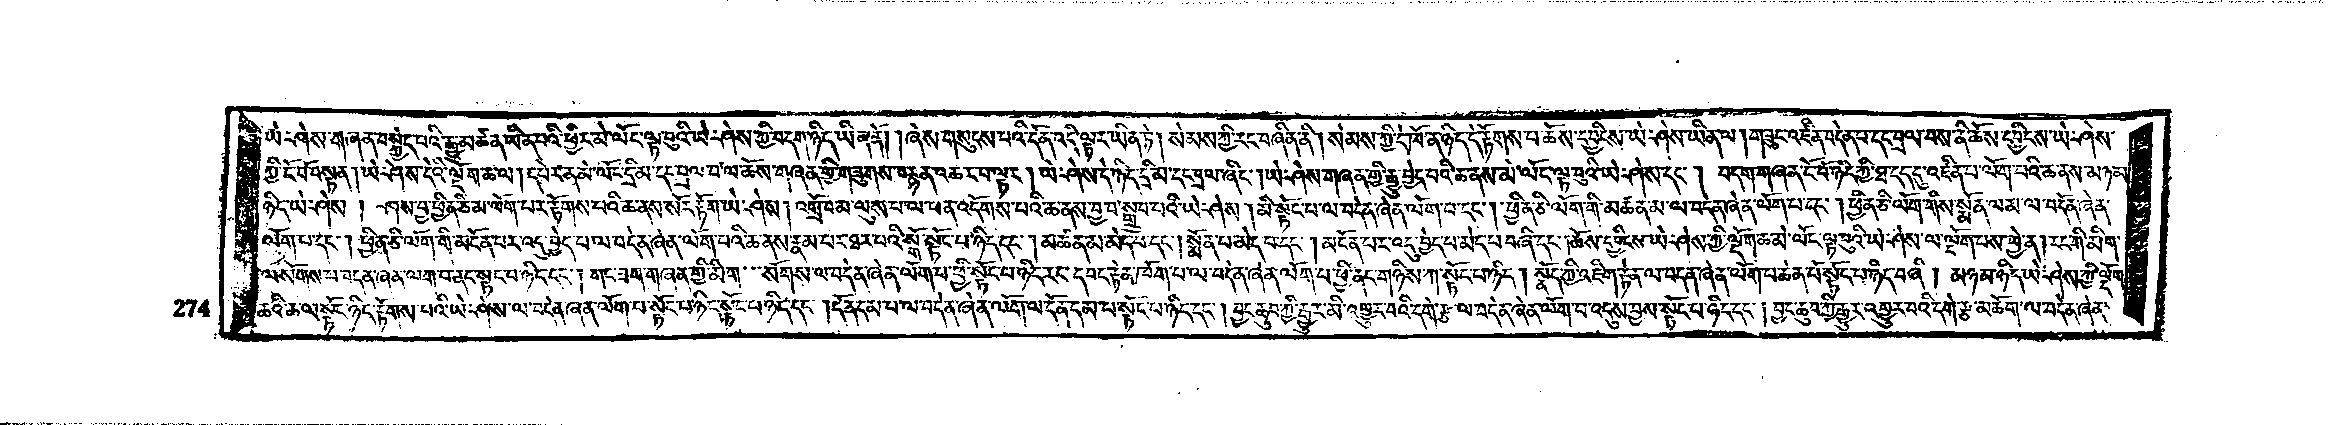ཡེ་ཤེས་གཞན་བསྐྱེད་པའི་རྒྱུ་མཚན་ཡིན་པའི་ཕྱིར་མེ་ལོང་ལྟ་བུའི་ཡེ་ཤེས་ཀྱི་བདག་ཉིད་ཡིན་ནོ། །ཞེས་གསུངས་པའི་དོན་འདི་ལྟར་ཡིན་ཏེ། སེམས་ཀྱི་རང་བཞིན་ནི། སེམས་ཀྱི་དེ་ཁོ་ན་ཉིད་དེ་རྟོགས་པ་ཆོས་དབྱིང་ཡེ་ཤེས་ཡིན་ལ། གཟུང་འཛིན་བདེན་པ་དང་བྲལ་བས་ནི་ཆོས་དབྱིངས་ཡེ་ཤེས་
ཀྱི་ངོ་བོ་བསྟན། ཡེ་ཤེས་དེའི་ལྡོག་ཆ་ལ། དཔེར་ན་མེ་ལོང་དྲི་མ་དང་བྲལ་བ་ལ་ཆོས་གཞན་གྱི་གཟུགས་བརྙན་འཆར་བ་ལྟར། ཡེ་ཤེས་དེ་ཉིད་དྲི་མ་དང་བྲལ་ཞིང་། ཡེ་ཤེས་གཞན་གྱི་རྒྱུ་བྱེད་པའི་ཆ་ནས་མེ་ལོང་ལྟ་བུའི་ཡེ་ཤེས་དང་། བདག་གཞན་ངོ་བོ་ཉིད་ཀྱི་ཐ་དད་དུ་འཛིན་པ་ལོག་པའི་ཆ་ནས་མཉམ་
ཉིད་ཡེ་ཤེས། ཤས་བྱ་ཕྱིན་ཅི་མ་ལོག་པར་རྟོགས་པའི་ཆ་ནས་སོར་རྟོག་ཡེ་ཤེས། འགྲོ་བ་མ་ལུས་པ་ལ་ཕན་འདོགས་པའི་ཆ་ནས་བྱ་བ་སྒྲུབ་པའི་ཡེ་ཤེས། མི་སྟོང་པ་ལ་བདེན་ཞེན་ལོག་པ་དང་། ཕྱིན་ཅི་ལོག་གི་མཚན་མ་ལ་བདེན་ཞེན་ལོག་པ་དང་། ཕྱིན་ཅི་ཤེས་ལ་ལྡོག་པས་ཕྱེ་ན། རང་གི་མིག་
ལ་སོགས་པ་བདན་ཞན་ལག་པ་ནང་སྟོང་པ་ཉིད་དང་། གང་ཟག་གཞན་གྱི་མིག་སོགས་ལ་བདེན་ཞེན་ལོག་པ་ཕྱི་སྟོང་པ་ཉིད་དང་དབང་རྟེན་ཁོག་པ་ལ་བདེན་ཞེན་ལོག་པ་ཕྱི་ནང་གཉིས་ཀ་སྟོང་པ་ཉིད། སྣོད་ཀྱི་འཇིག་རྟེན་ལ་བདན་ཞེན་ལོག་པ་ཆེན་པོ་སྟོང་པ་ཉིད་བཞི། མཉམ་ཉིད་ཡེ་ཤེས་ཀྱི་ལྡོག་
ཆའི་ཆ་ལ་སྟོང་ཉིད་རྟོགས་པའི་ཡེ་ཤེས་ལ་བདེན་ཞན་ལོག་པ་སྟོང་པ་ཉིད་སྟོང་པ་ཉིད་དང་། དོན་དམ་པ་ལ་བདེན་ཞེན་ལོག་ལ་དོན་དམ་པ་སྟོང་པ་ཉིད་དང་། བྱང་ཆུབ་ཀྱི་རྒྱུར་མི་འགྱུར་བའི་དགེ་རྩ་ལ་བདེན་ཞེན་ལོག་པ་འདུས་བྱས་སྟོང་པ་ཉིད་དང་། བྱང་ཆུབ་ཀྱི་རྒྱུར་འགྱུར་བའི་དགེ་རྩ་མཆོག་ལ་བདེན་ཞེན་